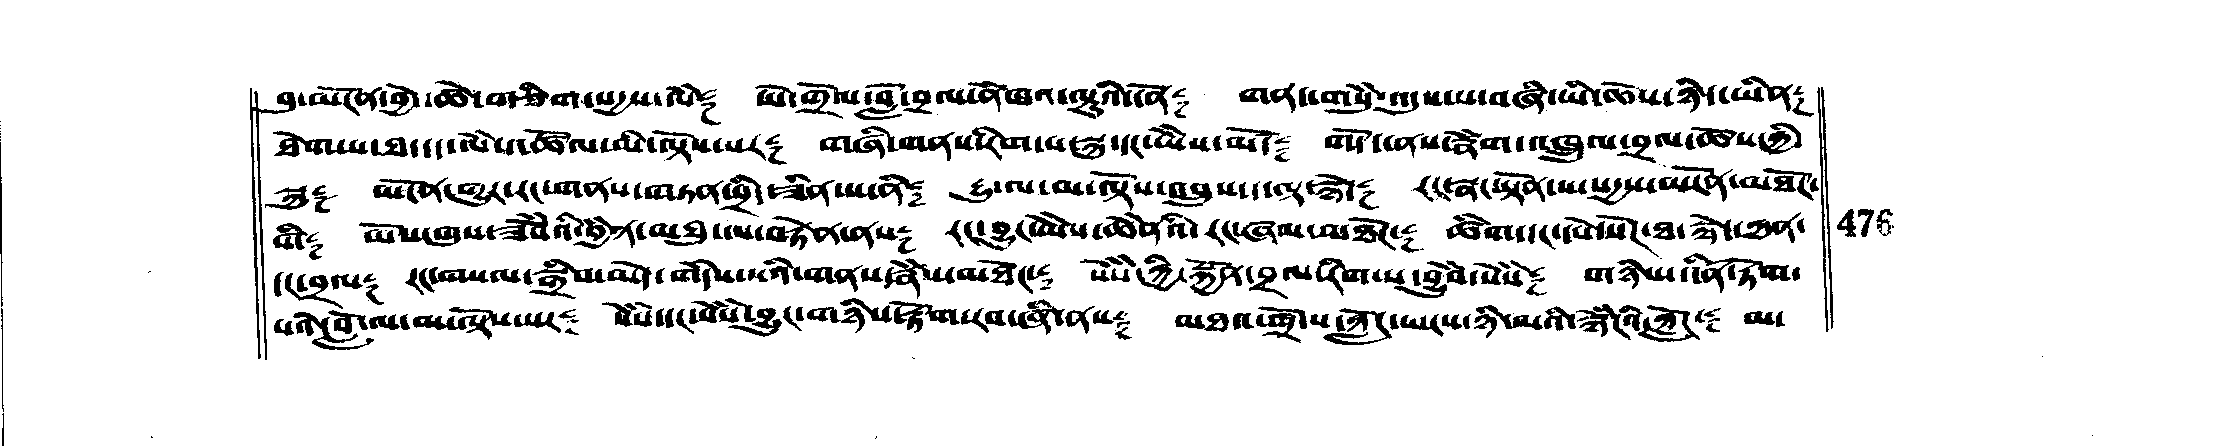བུ་མངོན་བྱེད་ཚེ་གཅིག་སངས་རྒྱས་ལམ། །ཡེ་གྲོལ་བློ་བྲལ་ནམ་མཁའ་ལྟ་བུའི་དོན། །གནད་གསུམ་འདུས་པ་གཞི་ཡི་ཆོས་ཉིད་ཡིན། །
ཐེག་པ་ཐ་དད་ལམ་འཚོལ་མི་ལྟོས་པར། །གཞི་གནས་རིག་པ་སྐུ་དང་ཡེ་ཤེས་མཛོད། །གདོད་ནས་རྣམ་དག་འཁྲུལ་བྲལ་ཆོས་ཀྱི་
སྐུ། །མངོན་གྱུར་རང་གནས་གཏན་སྲིད་ཟིན་པ་ནི། །རྒྱུ་ལ་མ་ལྟོས་འབྲས་བུ་ད་ལྟ་རྙེད། །རང་སྣང་སྟོན་པ་སངས་རྒྱས་མངོན་མཐོང་
གི། །མོས་གུས་ཟབ་མོའི་བྱིན་མཐུ་ལ་བརྟེན་ནས། །རང་བྱུང་ཡེ་ཤེས་ཆེན་པོའི་རང་ཞལ་མཐོང་། །ཚིག་དང་དཔེ་སོགས་ཐ་སྙད་ཀུན་
དང་བྲལ། །རང་གསལ་སྒྲིབ་མེད་གདམས་པའི་གནས་རྣམས་མཐོང་། །སེམས་ཀྱི་སྐྱོན་བྲལ་རིག་པ་བྱང་ཆུབ་སེམས། །གཉིས་འཛིན་རྟོག་
པའི་བློ་ལ་མ་ལྟོས་པར། །སེམས་དང་སེམས་བྱུང་གཉིས་རྟོག་རབ་ཞི་ནས། །མཐའ་གྲོལ་ཀློང་ཡངས་ཉི་མའི་སྙིང་རྗེའི་ཀློང་། །མ་